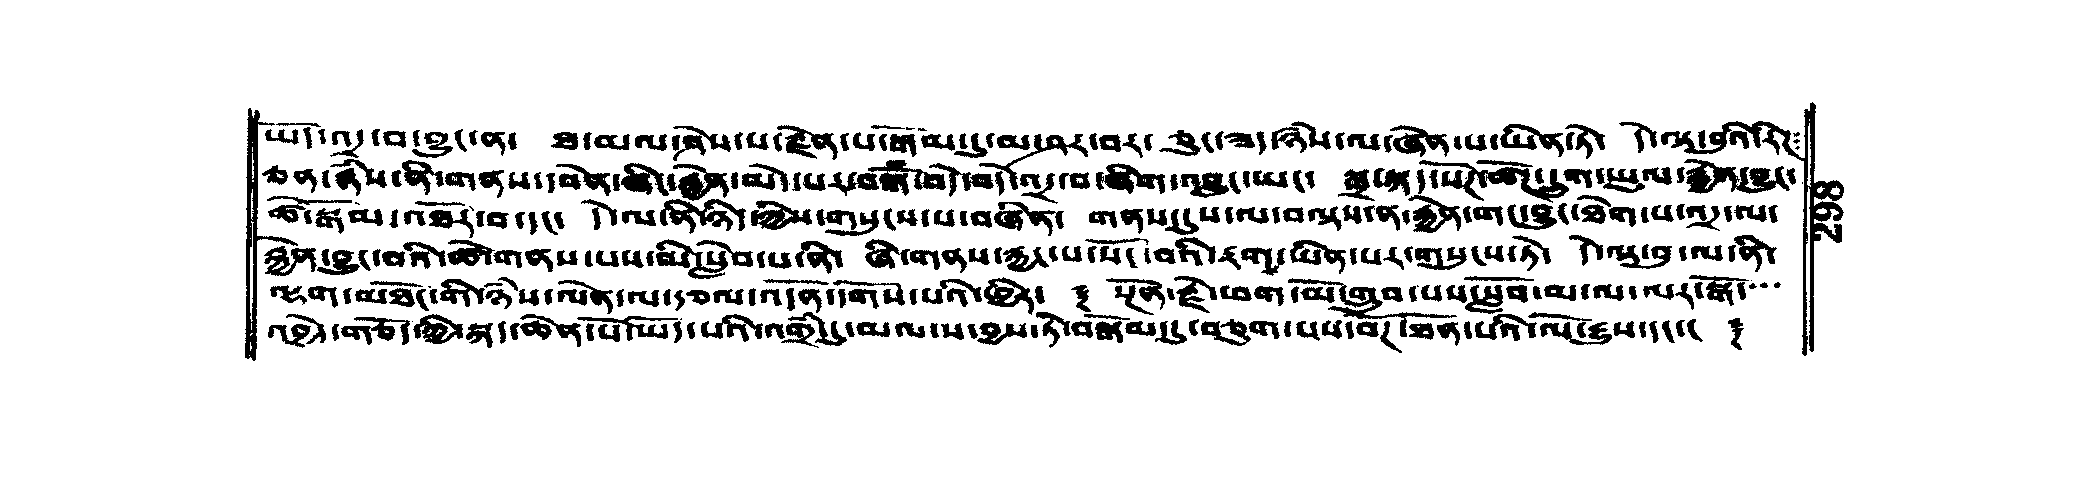ཡོད་འདྲ་བ་བྱུང་ན། ཐ་མལ་ཤེས་པ་རྗེན་པ་སྒོམ་དུ་མ་ཤར་བར། ཅུང་ཟད་ཉམས་ལ་ཞེན་པ་ཡིན་ཏེ། དེ་ལྟ་བུའི་རིགས་
ཅན་རྣམས་ནི་གནས་དབེན་ཞིང་རྐྱེན་མེད་པར་བསྒོམ་བདེ་བདེ་འདྲ་བ་ཞིག་འབྱུང་ཡང་། སྒྲ་སྐད་སོགས་ཚོགས་དྲུག་ཡུལ་རྐྱེན་བྱུང་
ཚེ་སྒོམ་འཐོར་བ་དང་། དེ་ལ་ནི་ཉིད་ཀྱིས་གསུངས་པ་བཞིན། གནས་དུས་ལ་བལྟས་ན་རྐྱེན་གང་བྱུང་ཐེག་པ་འདྲ་ལ་
རྐྱེན་བྱུང་བའི་ཚེ་གནས་པས་མི་སླེབ་པ་ནི། ཞི་གནས་རྐྱང་པར་སོང་བའི་རྟགས་ཡིན་པར་གསུངས་ཏེ། དེ་ལྟ་བུ་ལ་ནི་
ལྷག་མཐོང་གི་ཉམས་ལེན་ལ་རྩལ་འདོན་དགོས་པའི་ཕྱིར། ༈ སྔོན་རྗེ་ཕག་མོ་གྲུ་པས་སློབ་མ་ལ་ལར་སྒོ་
འབྱེད་གཅོད་ཀྱི་སྐད་ཆེན་པོ་ཡོད་པའི་འགྲམ་དུ་མལ་ས་བྱས་ཏེ་བསྒོམ་དུ་བཅུག་པས་བོགས་ཐོན་པའི་ལོ་རྒྱུས་དང་།